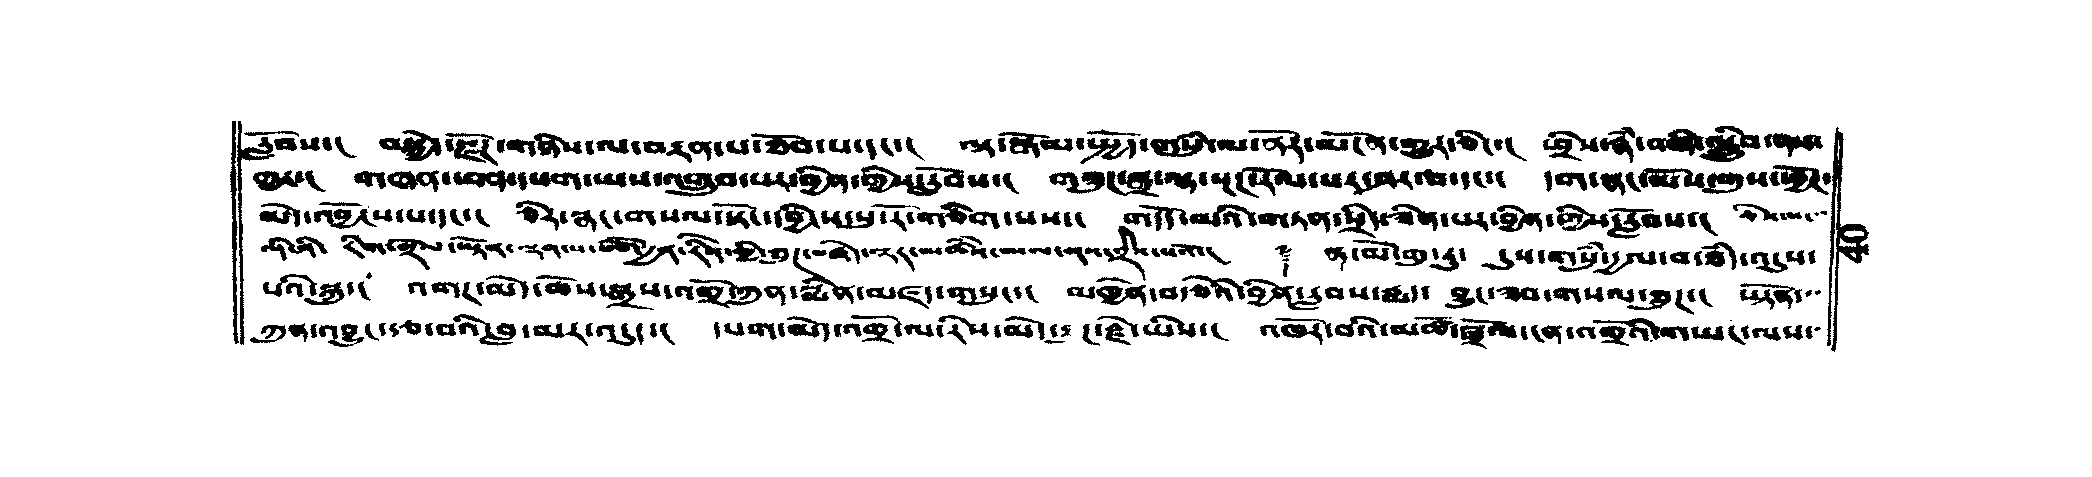རློབས། །བསྐྱེད་རྫོགས་གཉིས་ལ་བརྟན་པ་ཐོབ་པ་དང་། །ལྟ་སྒོམ་སྤྱོད་གསུམ་མ་ནོར་མངོན་གྱུར་ཅིང་། །ཕྲིན་ལས་རྣམ་བཞི་ལྷུན་གྱི་གྲུབ་ནས་
ཀྱང་། །གཞན་ཕན་དཔག་ཡས་འགྲུབ་པར་བྱིན་གྱིས་རློབས། །གཟུགས་སྒྲར་ལྷ་སྔགས་རོལ་པར་ཤར་བ་དང་། །དག་སྣང་མོས་གུས་ཕྱོགས་
མེད་འབྱོངས་པ་དང་། །ཅིར་སྣང་གསལ་སྟོང་དབྱིངས་སུ་རོ་གཅིག་པས། །གདོད་མའི་གཏན་སྲིད་ཟིན་པར་བྱིན་གྱིས་རློབས། ཅེས་པ་
འདི་ནི་རིག་གྲོལ་ཡོན་ཏན་ལྡན་པ་ཨོ་རྒྱན་རིན་ཆེན་གྱི་ཐུགས་བཞེད་ལྟར་མཚམས་མལ་ནས་བྲིས་པའོ།། ༈ ན་མོ་གུ་རུ། དུས་གསུམ་རྒྱལ་བ་ཐམས་ཅད་འདུས་
པའི་སྐུ། །འགགས་མེད་ཆོས་སྒྲས་འགྲོ་ཀུན་སྨིན་མཛད་གསུང་། །མཁྱེན་བརྩེའི་བྱིན་རླབས་རྨད་བྱུང་ཟབ་གསལ་ཐུགས། །ཡོན་ཏན་
ཀུན་འབྱུང་རྩ་བའི་བླ་མར་འདུད། །དཔག་མེད་འགྲོ་ལ་རིས་མེད་ཐུགས་རྗེ་ཡིས། །འཁོར་བའི་མཚོ་སྒྲོལ་ངན་འགྲོའི་གཡང་ལས་